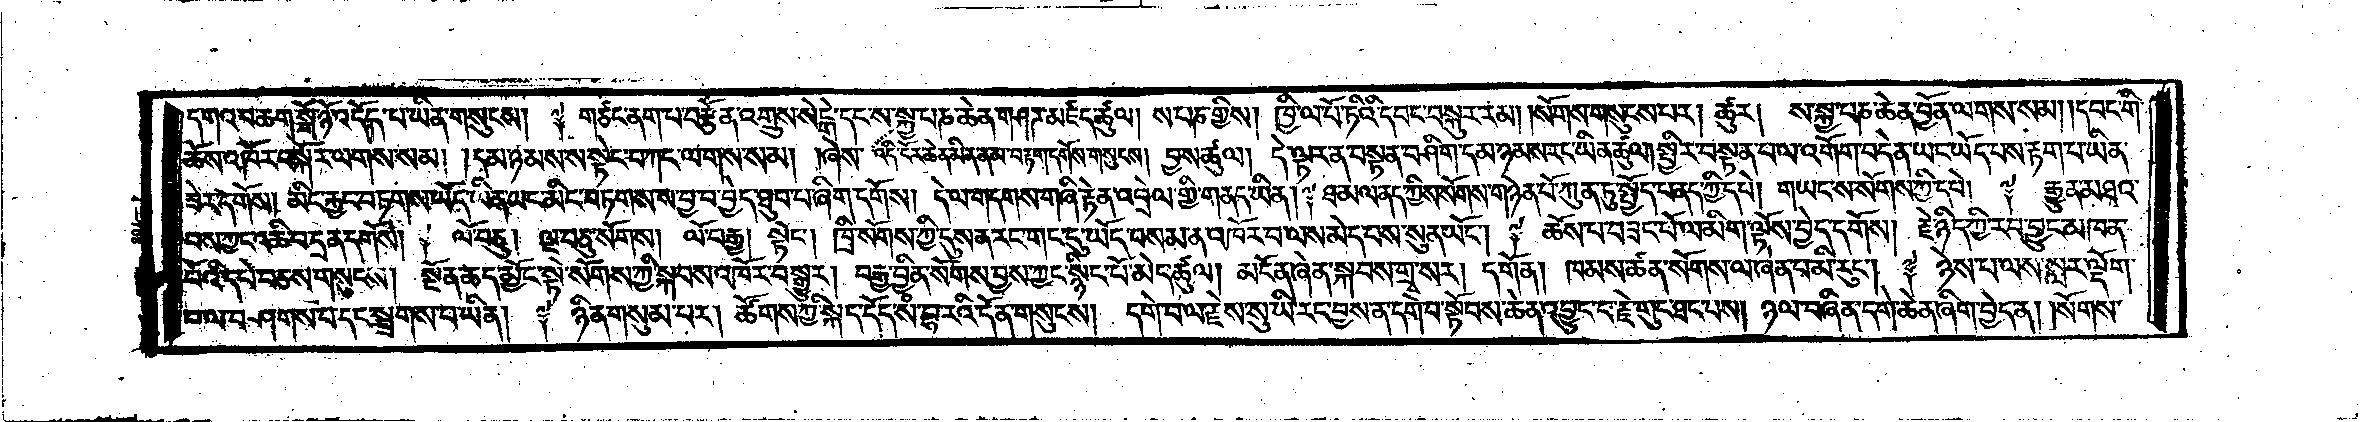དགའ་བ་ཆག་སྒོ་ཉོ་འདོད་པ་ཡིན་གསུངས། ༈ གཙང་ནག་པ་བརྩོན་འགྲུས་སེངྒེ་དང་ས་འདི་ངོར་ཆེན་མིན་ནམ་བརྟག་དགོས་གསུངས།  སྐྱ་པཎ་ཆེན་གཤཌ་མཛད་ཚུལ། ས་པཎ་གྱིས། ཁྱི་ལ་པོ་ཏིའི་དབང་བསྐུར་རམ། །སོགས་གསུངས་པར། ཆུར། ས་སྐྱ་པཎ་ཆེན་བྱོན་ལགས་སམ། །དབང་གི་
ཆོས་འཁོར་བསྐོར་ལགས་སམ། །དམ་ཉམས་ས་སྟེང་བཀང་ལགས་སམ། །ཞེས་བྱས་ཚུལ། དེ་ལྟར་ན་བསྟན་བཤིག་དམ་ཉམས་རང་ཡིན་ཚུལ། སྤྱིར་བསྟན་བ་ལ་འགོག་བདེན་ཡང་ཡོད་པས་རྟག་པ་ཡིན་
ཟེར་དགོས། མིང་རྐྱང་བཏགས་ཡོད་ཡིན་ཡང་མིང་བཏགས་བྱ་བ་བྱེད་ཐུབ་པ་ཞིག་དགོས། དེ་ལ་གདགས་གཞི་རྟེན་འབྲེལ་གྱི་གནད་ཡིན། ༈ ཐ་མལ་ནད་ཀྱིས་སོགས་གཉེན་པོ་ཀུན་ཏུ་སྤྱོད་པ་ནད་ཀྱི་དཔེ། གཡང་ས་སོགས་ཀྱི་དཔེ། ༈ རྒྱུན་མཐའ་
བས་ཀྱང་འཆི་བ་དྲན་དགོས། ༈ ལོ་བཅུ། ལྔ་བཅུ་སོགས། ལོ་བརྒྱ། སྟེང་། ཁྲི་སོགས་ཀྱི་དུས་ན་རང་གང་དུ་ཡོད་བསམ་ན་འཁོར་བ་ལས་མེད་པས་སུན་ཡོང་། ༈ ཆོས་པ་བཟང་པོ་ལ་མིག་ལྟོས་བྱེད་དགོས། རྗེ་ཉིད་ཀྱི་རབ་བྱུང་མཁན་
བོའི་དཔེ་བཅས་གསུངས། སྔོན་ཆད་མྱོང་སྟེ་སོགས་ཀྱི་སྐབས་འཁོར་བསྒྱུར། བརྒྱ་བྱིན་སོགས་བྱས་ཀྱང་སྙིང་པོ་མེད་ཚུལ། མངོན་ཞེན་སྐབས་གྲྭ་སར། དགོན། ཁམས་ཚན་སོགས་ལ་ཞེན་པ་མི་རུང་། ༈ ཉེས་པ་ལས་སླར་ལྡོག་
བ་ལ་བཤགས་པ་དང་སྦྲགས་པ་ཡིན། ༈ ཉིན་གསུམ་པར། ཚོགས་ཀྱི་སྐད་དོད་སཾ་བྷ་རའི་དོན་གསུངས། དགེ་བ་ལ་རྗེས་སུ་ཡི་རང་བྱས་ན་དགེ་བ་སྟོབས་ཆེན་བྱུང་བ་རྗེ་གུང་ཐང་པས། ཉལ་བཞིན་དགེ་ཆེན་ཞིག་བྱེད་ན། །སོགས་